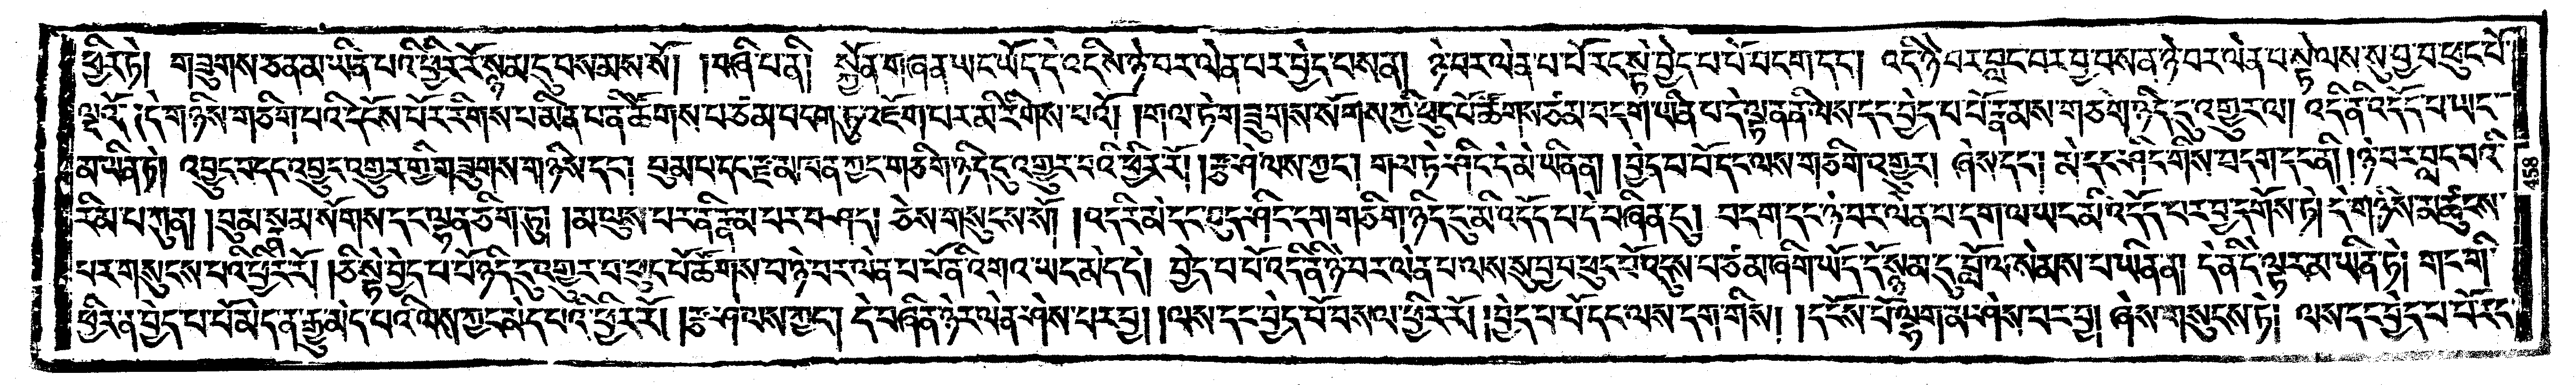ཕྱིར་ཏེ། གཟུགས་ཅན་མ་ཡིན་པའི་ཕྱིར་རོ་སྙམ་དུ་བསམས་སོ། །བཞི་པ་ནི། སྐྱོན་གཞན་ཡང་ཡོད་དེ་འདིས་ཉེ་བར་ལེན་པར་བྱེད་པས་ན། ཉེ་བར་ལེན་པ་པོ་རང་སྟེ་བྱེད་པ་པོ་བདག་དང་། འདི་ཉེ་བར་བླང་བར་བྱ་བས་ན་ཉེ་བར་ལེན་པ་སྟེ་ལས་སུ་བྱ་བ་ཕུང་པོ་
ལྔའོ༑ ༑དེ་གཉིས་གཅིག་པའི་དངོས་པོར་རིགས་པ་མིན་པ་ནི་ཚོགས་པ་ཙམ་བདག་ཏུ་འཇོག་པར་མི་རིགས་པའོ། །གལ་ཏེ་གཟུགས་སོགས་ཀྱི་ཕུང་པོ་ཚོགས་ཙམ་བདག་ཡིན་པ་དེ་ལྟ་ན་ནི་ལས་དང་བྱེད་པ་པོ་རྣམས་གཅིག་ཉིད་དུ་འགྱུར་ལ། འདི་ནི་འདོད་པ་ཡང་
མ་ཡིན་ཏེ། འབྱུང་བ་དང་འབྱུང་འགྱུར་གྱི་གཟུགས་གཉིས་དང་། བུམ་པ་དང་རྫ་མཁན་ཀྱང་གཅིག་ཉིད་དུ་འགྱུར་བའི་ཕྱིར་རོ། །རྩ་ཤེ་ལས་ཀྱང་། གལ་ཏེ་ཤིང་དེ་མེ་ཡིན་ན། །བྱེད་པ་པོ་དང་ལས་གཅིག་འགྱུར། ཞེས་དང་། མེ་དང་ཤིང་གིས་བདག་དང་ནི། །ཉེ་བར་བླང་བའི་
རིམ་པ་ཀུན། །བུམ་སྣམ་སོགས་དང་ལྷན་ཅིག་ཏུ། །མ་ལུས་པར་ནི་རྣམ་པར་བཤད། ཅེས་གསུངས་སོ། །འདིར་མེ་དང་བུད་ཤིང་དག་གཅིག་ཉིད་དུ་མི་འདོད་པ་དེ་བཞིན་དུ། བདག་དང་ཉེ་བར་ལེན་པ་དག་ལ་ཡང་མི་འདོད་པར་བྱ་དགོས་ཏེ། དེ་གཉིས་མཚུངས་
པར་གསུངས་པའི་ཕྱིར་རོ། །ཅི་སྟེ་བྱེད་པ་པོ་ཉིད་དུ་འགྱུར་བ་ཕུང་པོ་ཚོགས་པ་ཉེ་བར་ལེན་པ་པོ་ནི་འགའ་ཡང་མེད་དེ། བྱེད་པ་པོ་འདི་ནི་ཉེ་བར་ལེན་པ་ལས་སུ་བྱ་བ་ཕུང་པོ་འདུས་པ་ཙམ་ཞིག་ཡོད་དོ་སྙམ་དུ་བློ་ལ་སེམས་པ་ཡིན་ན། དེ་ནི་དེ་ལྟར་མ་ཡིན་ཏེ། གང་གི་
ཕྱིར་ན་བྱེད་པ་པོ་མེད་ན་རྒྱུ་མེད་པའི་ལས་ཀྱང་མེད་པའི་ཕྱིར་རོ། །རྩ་ཤེ་ལས་ཀྱང་། དེ་བཞིན་ཉེར་ལེན་ཤེས་པར་བྱ། །ལས་དང་བྱེད་པོ་བསལ་ཕྱིར་རོ། །བྱེད་པ་པོ་དང་ལས་དག་གིས། །དངོས་པོ་ལྷག་མ་ཤེས་པར་བྱ། ཞེས་གསུངས་ཏེ། ལས་དང་བྱེད་པ་པོ་རང་